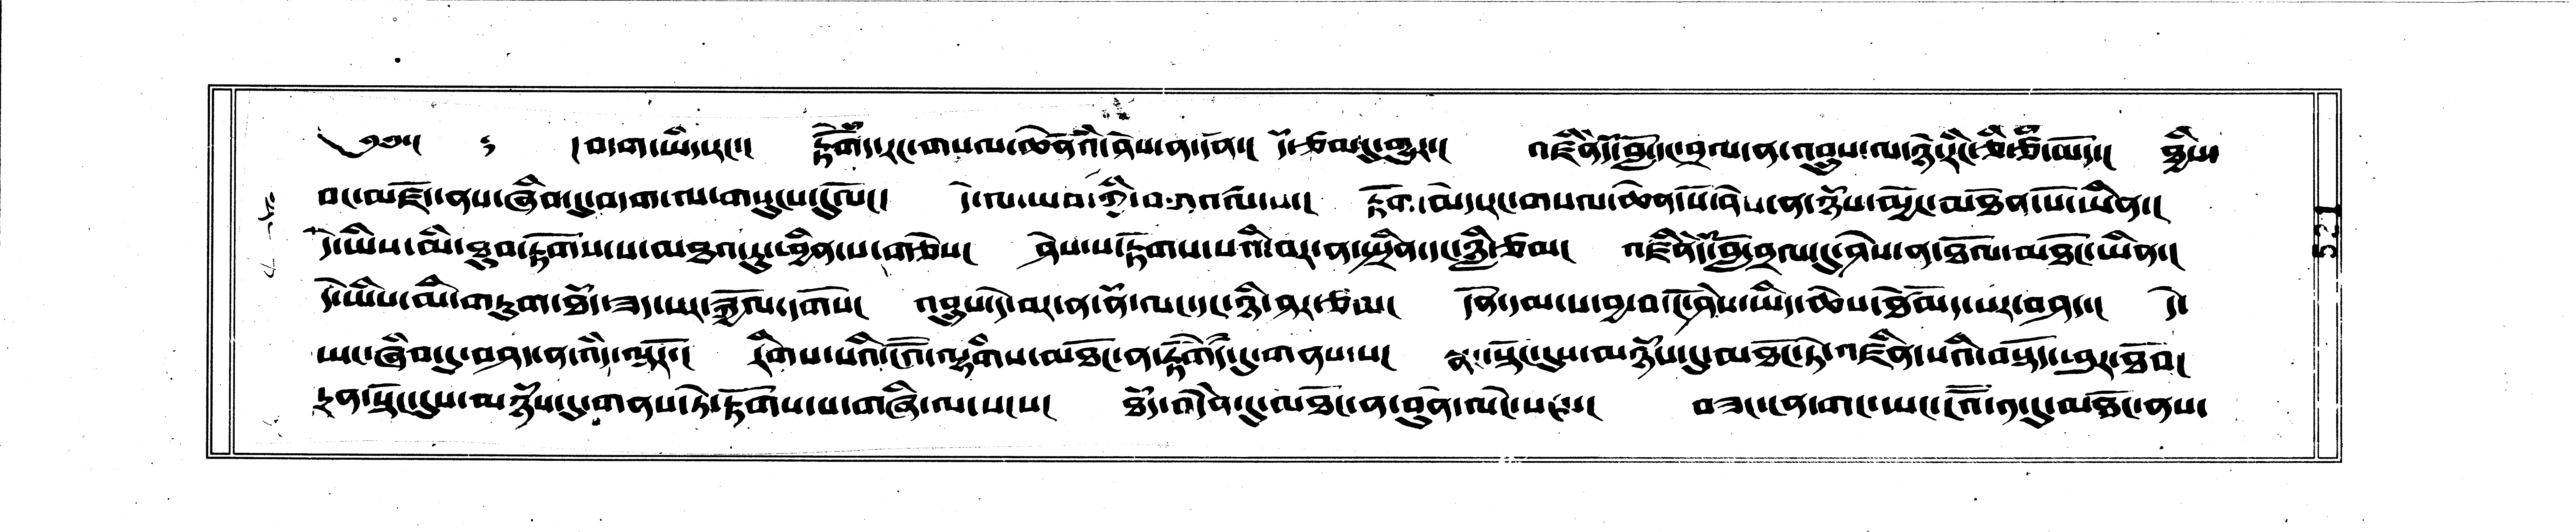བདག་ཡིད་རངས། རྟོགས་མེད་རང་ཤར་སལེ་ཆེན་པོ་ཤེས་ན། དོན་དམ་ཅི་ཙམ་དུ་འགྱུར། འཛིན་མེད་བློ་དང་བྲལ་ན་འབྲས་བུ་ལ་ཉེ་རིང་”ཅི་ཙམ”ཡོད། ཐུགས་ཀྱིས་
བང་མཛོད་ནས་གཞིག་ནས་བདག་ལ་གསུངས་དུ་གསོལ། དེ་ལ་ཡབ་ཀྱིས་བཀའ་སྩལ་པ། རྟོགས་མེད་རང་གསལ་ཆེན་པོར་ཤེས་ན། ཉམས་མྱོང་མཐོན་པོ་ཡིན། 
དེའི་མི་བཏུབ་རྟོགས་པས་མཐའ་རུ་ཕྱིན་པ་གཅེས། ཤེས་པ་དང་རྟོག་པའི་བར་ན་སྤྲིན་དང་ཉི་ཟླ་ཙམ། འཛིན་མེད་བློ་བྲལ་དུ་ཤེས་ན་ངོའོ་ཐིལ་མཐོང་ཡིན། 
དེའི་མི་བཏུབ་ཐམས་ཅད་ཟད་སར་སྐྱོལ་དགོས་པས། འབྲས་བུ་དང་བར་ན་ནམ་ལང་སྐར་མ་ཙམ། དོན་དམ་པ་བྱ་བ་ངོ་ཤེས་པ་ཡིད་ཆེས་ཐེ་ཚོམ་མེད་པར་ཤེས་ དེ་ལ་
ཡང་ཞིབ་དུ་བསྟན་ན་འདི་ལྟར་རོ། རང་རིག་པའི་ངོའོ་ལྷག་གིས་མཐོང་ནས། རྟོག་མེད་དུ་གནས། སྣང་སྟོང་དུས་མཉམ་དུ་མཐོང་སྟེ། འཛིན་པའི་བརྟོད་ཕུར་ཐོན། 
དྲན་སྟོང་དུས་མཉམ་དུ་གནས་ཏེ་རྟོག་པ་གཞི་ལ་སངས། ཐམས་ཅད་བདེན་མེད་དུ་མཐོང་ན་བུན་ནེ་ལྷན་ནེ་སང་། བཟང་ངན་ཡང་ངོའོ་ཅིག་དུ་མཐོང་ན།